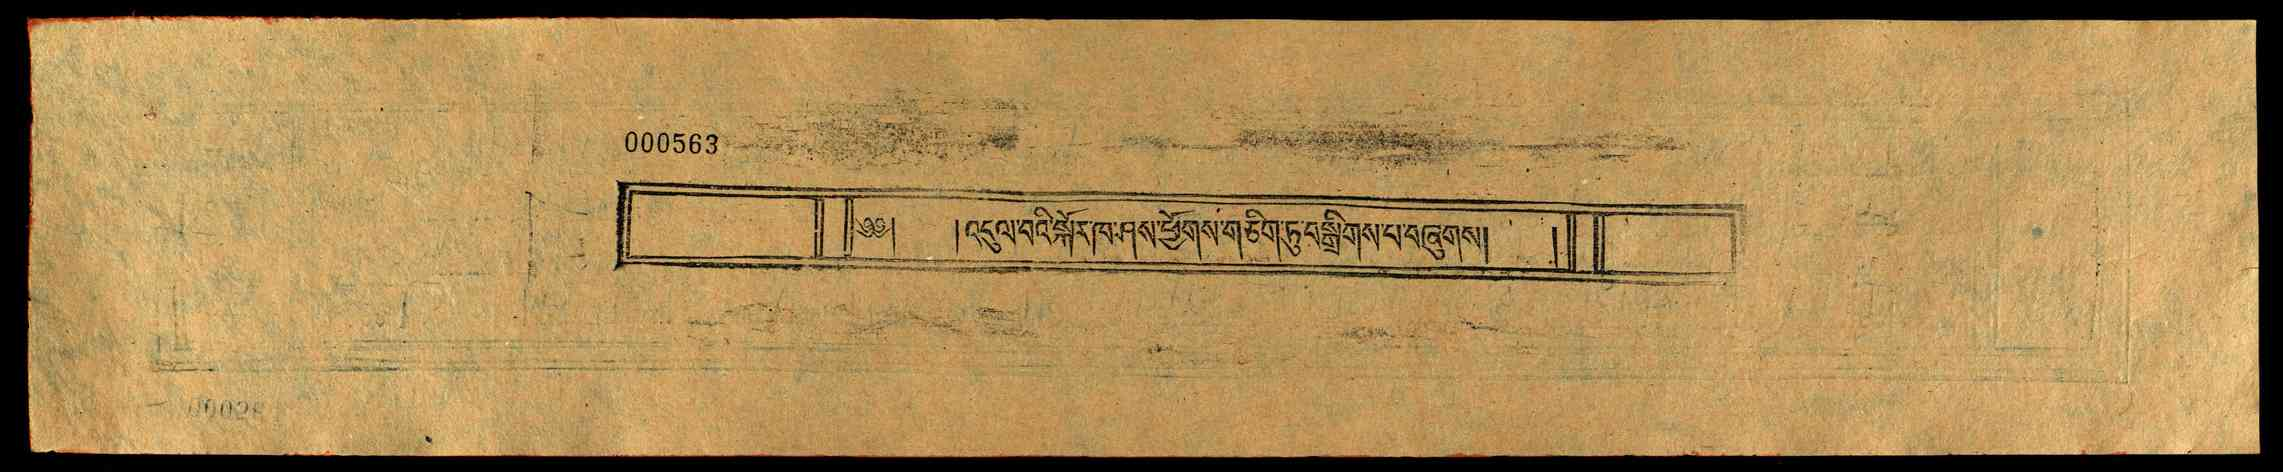༄༅། །འདུལ་བའི་སྐོར་ཁ་ཤས་ཕྱོགས་གཅིག་ཏུ་བསྒྲིགས་པ་བཞུགས། །